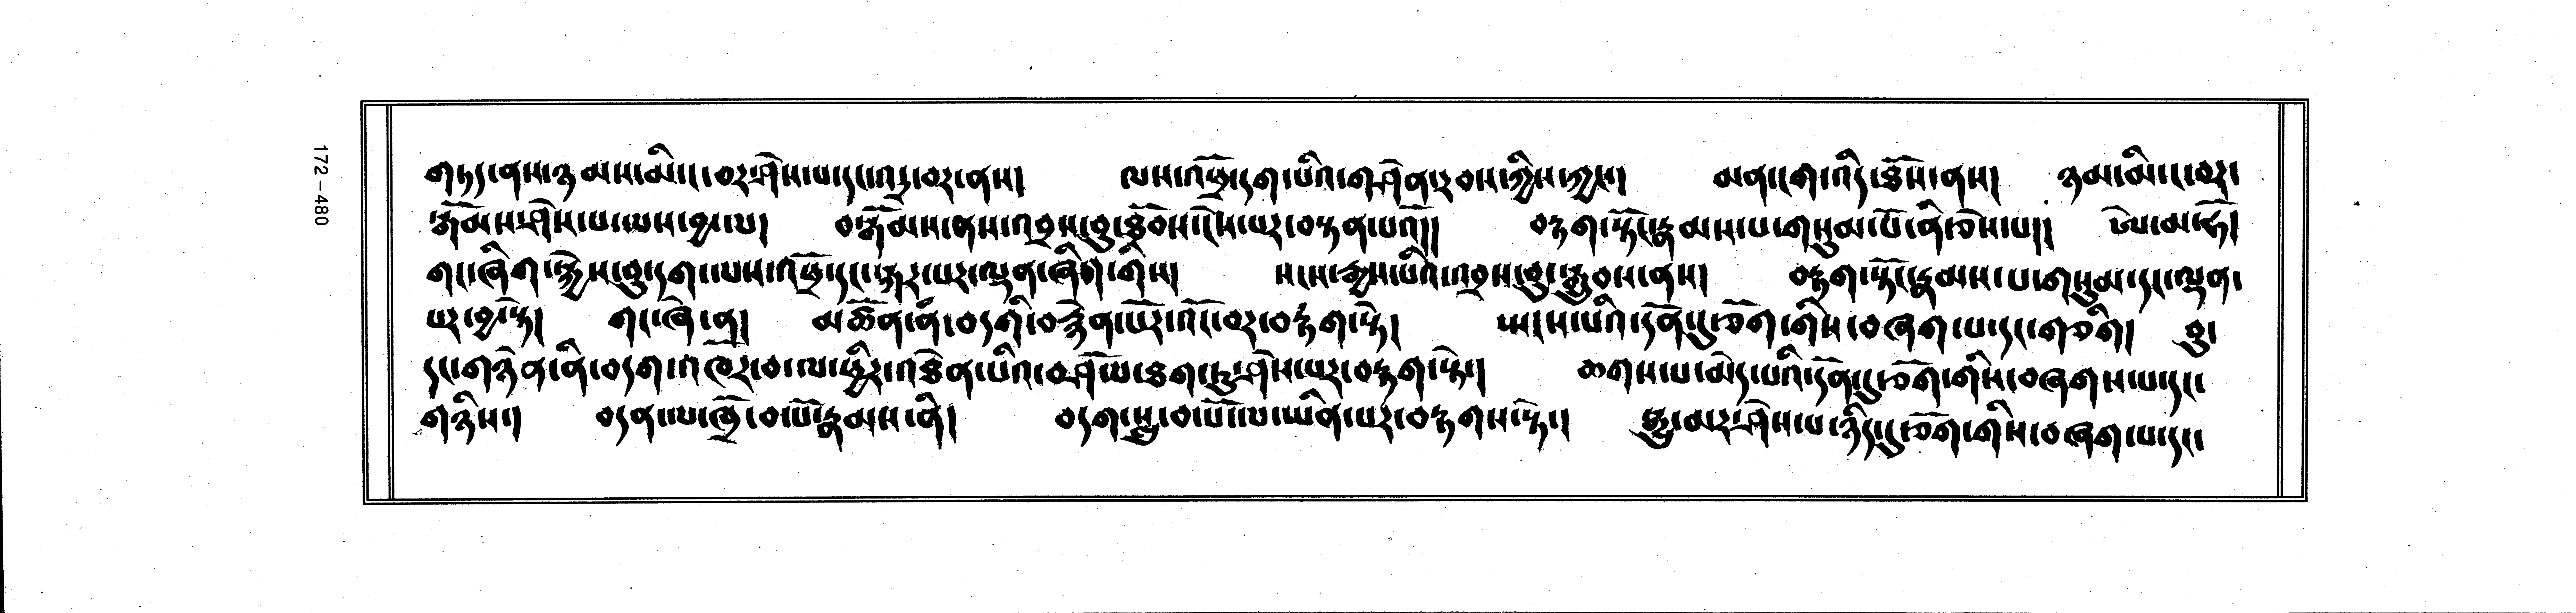གཏད་ནས་ཉམས་མི་ང་བར་ཤེས་པ་དང་འདྲ་བར་ནས། ལས་འཕྲོ་དག་པའི་གཤེན་རབ་ཀྱིས་ཀྱང་། མན་ངག་འདི་ཐོས་ནས། ཉམ་མི་མངའ་བར་
སྒོམས་ཤེས་པ་ལས་བྱ་ལ། བསྒོམས་ནས་འབྲས་བུ་ཐོབས་ངེས་པར་བསྟན་པའོ། བརྟག་སྟོང་རྣམ་པ་གསུམ་པོ་ནི་ཅེས་པ། ཨེ་མ་ཧོ། 
གང་ཞིག་སྐྱེས་བུ་དག་ལས་འཕྲོ་དང་སྐར་པར་ལྡན་པ་ཞིག་གིས། སངས་རྒྱས་པའི་འབྲས་བུ་སྒྲུབས་ནས། བརྟག་སྟོང་རྣམ་པ་གསུམ་དང་ལྡན་
པར་བྱ་སྟེ། གང་ཞེ་ན། མཚོན་ནམ་བདག་གིས་བརྙེན་པོར་འོང་བར་བརྟག་སྟེ། སྤངས་པའི་དོན་དུ་ཅོག་གིས་བཞག་པ་དང་གཅིག བུ་
དང་གཉེན་ནི་བདག་འཁོར་བ་ལ་ཕྱིར་འཐེན་པའི་བཤོལ་ཐག་ཏུ་ཤེས་པར་བརྟག་སྟེ། ཆགས་པ་མེད་པའི་དོན་དུ་ཅོག་གིས་བཞགས་པ་དང་
གཉིས། བདན་ལ་ཁྲོ་བ་པོ་རྣམས་ནི། བདག་སླུ་བ་པོ་ལ་ཡིན་པར་བརྟགས་སྟེ། སྒྱུ་མར་ཤེས་པ་ཉིད་དུ་ཅོག་གིས་བཞག་པ་དང་